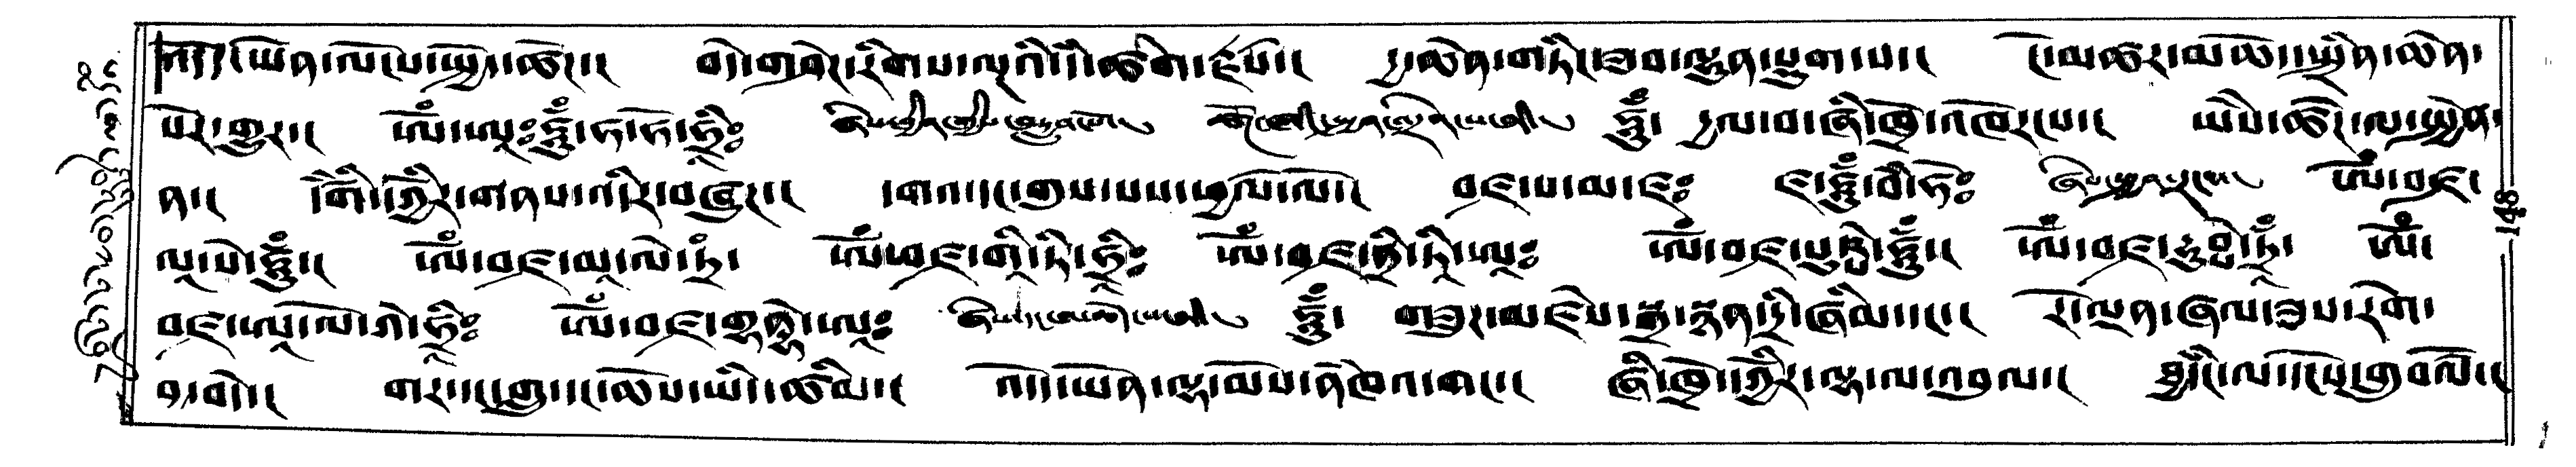འདོད་ཡོན་ལོངས་སྤྱོད་ཚོགས། །བདེ་གཤེགས་རིགས་ལྔའི་དམ་ཚིག་རྫས། །རྒྱ་ཆེན་གཏིང་ཟབ་ལྷུན་སྡུག་པ། །ངོ་མཚར་མཆོད་སྤྲིན་ཆེན་
པོར་གྱུར།ཨོཾ་ཨཱཿཧཱུྃ་ཧ་ཧོ་ཧྲཱིཿ ཞེས་བྱིན་གྱིས་བརླབ་བོ། ཚོགས་ཞིང་སྤྱན་འདྲེན་པ་ནི། ཧཱུྃ། རྒྱལ་བ་ཞི་ཁྲོ་འཁོར་དང་བཅས། །ཡེ་ཤེས་ཚོགས་ལ་སྤྱན་
འདྲེན། དམ་ཚིག་དཀྱིལ་འཁོར་གནས་འདིར་བཞུགས། །དགའ་དང་གུས་པས་ཕྱག་འཚལ་ལོ།། བཛྲ་ས་མ་ཛཿ ཛ་ཧཱུྃ་བཾ་ཧོཿ ཞེས་སྤྱན་དྲངས། ཨོཾ་བཛྲ་
ལཱ་སེ་ཧཱུྃཿ ཨོཾ་བཛྲ་མཱ་ལེ་ཏྲཱཾཿ ཨོཾ་བཛྲ་གཱི་གཱིརྟི་ཧྲཱིཿ ཨོཾ་བཛྲ་ནིརྟཱི་ཨཱཿ ཨོཾ་བཛྲ་པུཥྤེ་ཧཱུྃཿ ཨོཾཿ 
བཛྲ་ཨཱ་ལོ་ཀེ་ཧྲཱིཿ ཨོཾ་བཛར་གྷནྡྷེ་ཨཱཿ ཞེས་དང་མཆོད་པ་ནི། ཧཱུྃ། གཟུགས་མཛེས་སྒྲ་སྙན་དྲི་ཞིམ་དང་། །རོ་ལྡན་ཞལ་ཟས་རེག་
ན་བདེ། །གར་དང་གླུ་དང་ཆོས་ཀྱི་ཚིམ། །འདོད་ཡོན་ལྷ་མོས་ནམ་མཁའ་གང་། །ཞི་ཁྲོ་དཀྱིལ་འཁོར་ལྷ་ལ་འབུལ། །ཐུགས་དམ་བརྐང་ལ་དངོས་གྲུབ་སྩོལ།།